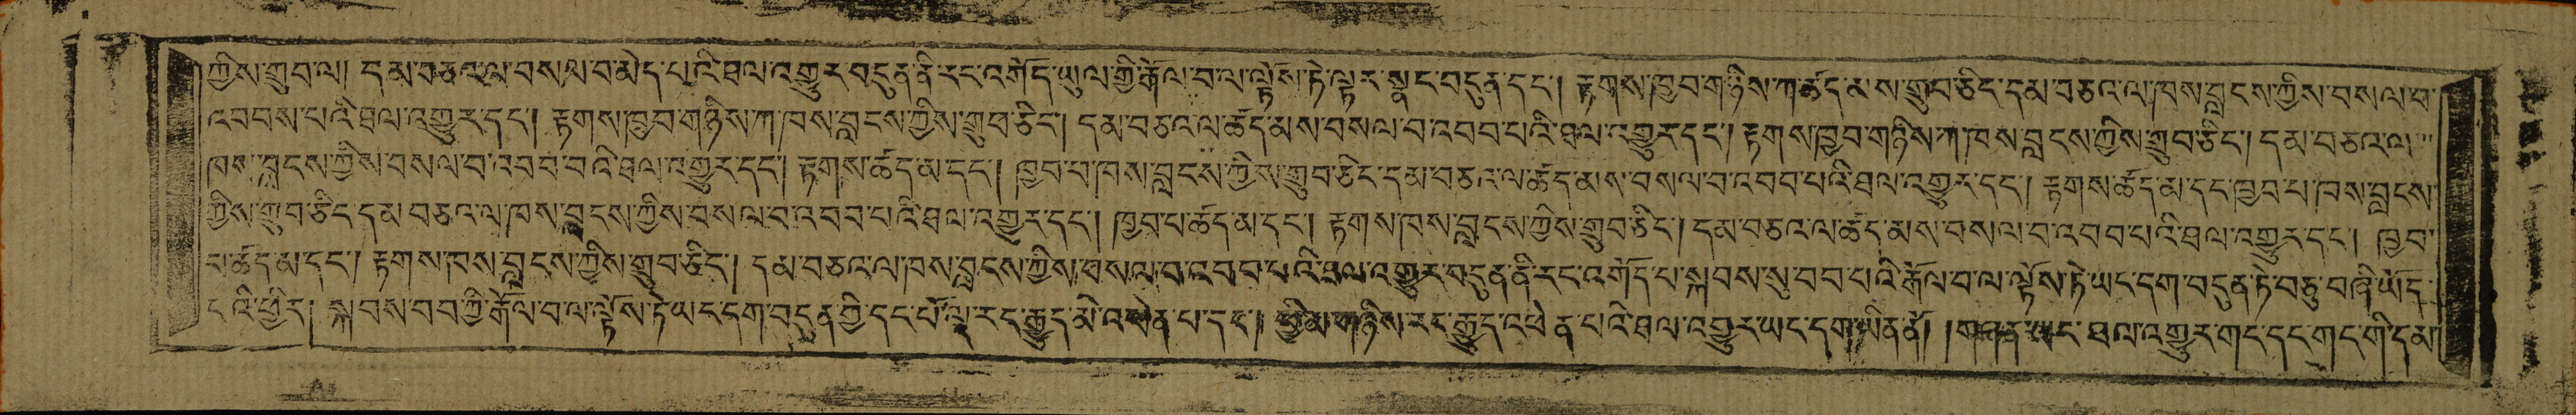ཀྱིས་གྲུབ་ལ། དམ་བཅའ་ལ་བསལ་བ་མེད་པའི་ཐལ་འགྱུར་བདུན་ནི་རང་འགོད་ཡུལ་གྱི་རྒོལ་བ་ལ་ལྟོས་ཏེ་ལྟར་སྣང་བདུན་དང་། རྟགས་ཁྱབ་གཉིས་ཀ་ཚད་མས་གྲུབ་ཅིང་དམ་བཅའ་ལ་ཁས་བླངས་ཀྱིས་བསལ་བ་
འབབས་པའི་ཐལ་འགྱུར་དང་། རྟགས་ཁྱབ་གཉིས་ཀ་ཁས་བླངས་ཀྱིས་གྲུབ་ཅིང་། དམ་བཅའ་ལ་ཚད་མས་བསལ་བ་འབབ་པའི་ཐལ་འགྱུར་དང་། རྟགས་ཁྱབ་གཉིས་ཀ་ཁས་བླངས་ཀྱིས་གྲུབ་ཅིང་། དམ་བཅའ་ལ་
ཁས་བླངས་ཀྱིས་བསལ་བ་འབབ་པའི་ཐལ་འགྱུར་དང་། རྟགས་ཚད་མ་དང་། ཁྱབ་པ་ཁས་བླངས་ཀྱིས་གྲུབ་ཅིང་དམ་བཅའ་ལ་ཚད་མས་བསལ་བ་འབབ་པའི་ཐལ་འགྱུར་དང་། རྟགས་ཚད་མ་དང་ཁྱབ་པ་ཁས་བླངས་
ཀྱིས་གྲུབ་ཅིང་དམ་བཅའ་ལ་ཁས་བླངས་ཀྱིས་བསལ་བ་འབབ་པའི་ཐལ་འགྱུར་དང་། ཁྱབ་པ་ཚད་མ་དང་། རྟགས་ཁས་བླངས་ཀྱིས་གྲུབ་ཅིང་། དམ་བཅའ་ལ་ཚད་མས་བསལ་བ་འབབ་པའི་ཐལ་འགྱུར་དང་། ཁྱབ་
པ་ཚད་མ་དང་། རྟགས་ཁས་བླངས་ཀྱིས་གྲུབ་ཅིང་། དམ་བཅའ་ལ་ཁས་བླངས་ཀྱིས་བསལ་བ་འབབ་པའི་ཐལ་འགྱུར་བདུན་ནི་རང་འགོད་པ་སྐབས་སུ་བབ་པའི་རྒོལ་བ་ལ་ལྟོས་ཏེ་ཡང་དག་བདུན་ཏེ་བཅུ་བཞི་ཡོད་
པའི་ཕྱིར། སྐབས་བབ་ཀྱི་རྒོལ་བ་ལ་ལྟོས་ཏེ་ཡང་དག་བདུན་གྱི་དང་པོ་ལྔ་རང་རྒྱུད་མི་འཕེན་པ་དང་། ཕྱི་མ་གཉིས་རང་རྒྱུད་འཕེན་པའི་ཐལ་འགྱུར་ཡང་དག་ཡིན་ནོ། །གཞན་ཡང་ཐལ་འགྱུར་གང་དང་གང་གི་དམ་